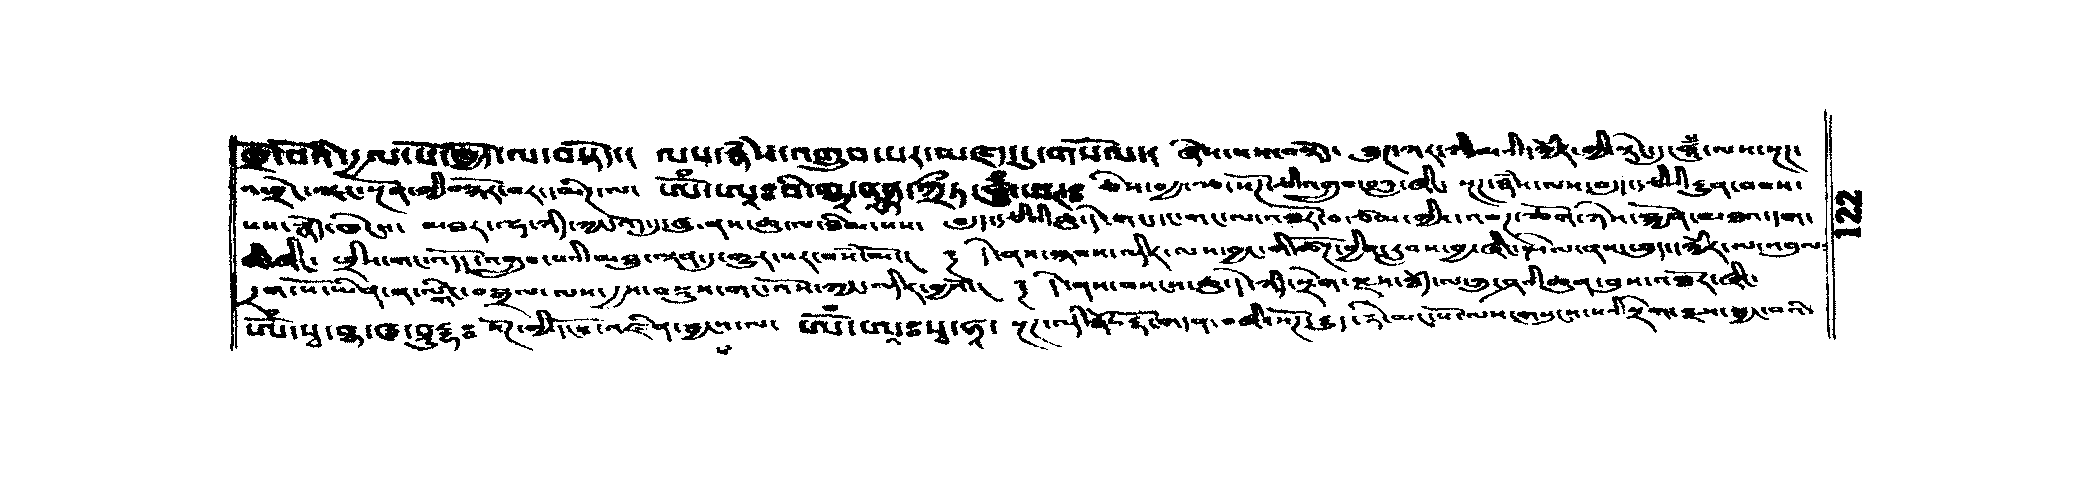ཁྲོ་བོའི་རྒྱལ་པོ་ཁྱོད་ལ་བསྟོད། །ལས་རྣམས་འགྲུབ་པར་མཛད་དུ་གསོལ། ། ཞེས་པས་བསྟོད། ཐུགས་ཀར་ཉི་མའི་དཀྱིལ་འཁོར་གྱི་སྟེང་དུ་ཧཱུྃ་ལས་སྔགས་
འཕྲེང་ལྗང་སྔོན་གྱི་བསྐོར་བར་དམིགས་ལ། ཨོྃ་ཨཱཿབི་གྷཱ་ནཱནྟ་ཀྲྀཏ་ཧཱུྃ་ཕཊཿ ཅེས་བརྒྱ་རྩ་སོགས་ཅི་འགྲུབ་བཟླ་ཞིང་། སྔགས་རྣམས་ལས་བདུད་རྩིའི་རྒྱུན་བབས་
པས་སྣོད་ཁེངས། མཐར་ལྷ་ཉིད་ཀྱང་འོད་དུ་ཞུ་ནས་ཆུ་ལ་ཐིམ་པས། བདུད་རྩིའི་ཆུ་དེ་གང་དང་གང་ལ་འཁོར་བ་ཙམ་གྱིས་འབགས་རྩོགས་ཉེས་སྐྱོན་མཐའ་དག་
ཞི་ཞིང་། ཕྲིན་ལས་གང་འདོད་འགྲུབ་པའི་མཐུ་ལྡན་དུ་གྱུར་པར་བསམ་མོ། ༈ དེ་ནས་སྐབས་འདིར་ལས་བྱང་གི་ཚོགས་བྱིན་རླབས་བྱ་ཞིང་སྤེལ་ནས་ཕུད་དཀྱིལ་འཁོར་ལ་འབུལ་
དྲག་པོ་ཡིན་ན་ལིངྒ་བསྒྲལ་ལས་རྒྱས་བསྡུས་གང་འོས་ཀྱང་འདིར་བྱའོ། ༈ དེ་ནས་བསངས་ཆུ་དེ་ཉིད་སྲེག་རྫས་ཐམས་ཅད་ལ་ཀུ་ཤའི་ཆུན་བུས་འཐོར་ཞིང་། 
ཨོྃ་སྭཱ་བྷ་ཝ་ཤུདྡྷཿསོགས་ཀྱི་དངོས་འཛིན་སྦྱངས་ལ། ཨོྃ་ཨཱཿསྭཱ་ཧཱ། སྔགས་འདི་རྣམས་རྡོ་གདན་བཞི་སོགས་རྒྱུད་སྡེ་མང་པོ་ལས་གསུངས་པའི་སྲེག་རྫས་སྦྱང་བའི་